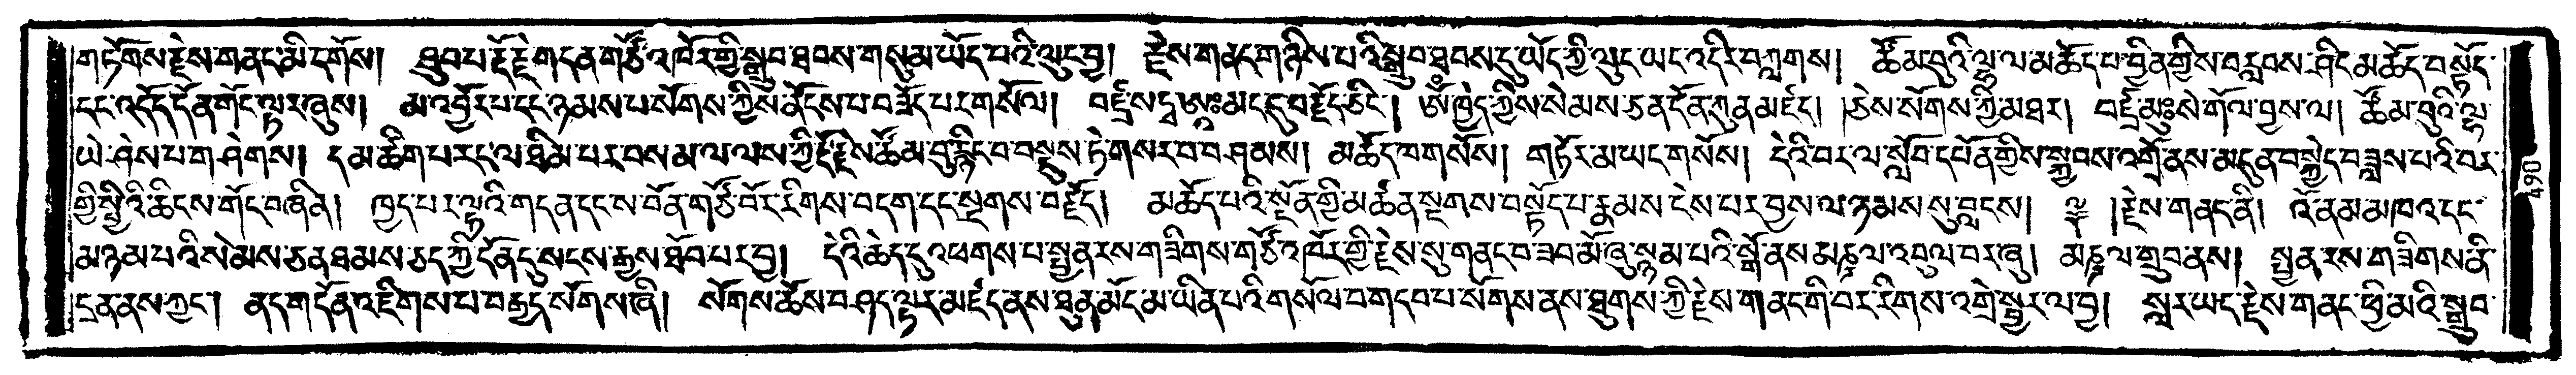གཏོགས་རྗེས་གནང་མི་དགོས། ཐུབ་པ་རྡོ་རྗེ་གདན་གཙོ་འཁོར་གྱི་སྒྲུབ་ཐབས་གསུམ་ཡོད་པའི་ལུང་བྱ། རྗེས་གནང་གཉིས་པའི་སྒྲུབ་ཐབས་དུ་ཡོད་ཀྱི་ལུང་ཡང་འདིར་བཀླགས། ཚོམ་བུའི་ལྷ་ལ་མཆོད་པ་བྱིན་གྱིས་བརླབས་ཤིང་མཆོད་བསྟོད་
དང་འདོད་དོན་གོང་ལྟར་ཞུས། མ་འབྱོར་པ་དང་ཉམས་པ་སོགས་ཀྱིས་ནོངས་པ་བཟོད་པར་གསོལ། བཛྲ་སཏྭ་ཨཱཿམང་དུ་བརྗོད་ཅིང་། ཨོཾ་ཁྱེད་ཀྱིས་སེམས་ཅན་དོན་ཀུན་མཛད། །ཅེས་སོགས་ཀྱི་མཐར། བཛྲ་མུཿསེ་གོལ་བྱས་ལ། ཚོམ་བུའི་ལྷ་
ཡེ་ཤེས་པ་གཤེགས། དམ་ཚིག་པ་རང་ལ་ཐིམ་པར་བསམ་ལ་ལས་ཀྱི་རྡོ་རྗེས་ཚོམ་བུ་རྙིང་བ་བསྡུས་ཏེ་གསར་བ་བཤམས། མཆོད་ལ་གསོས། གཏོར་མ་ཡང་གསོས། དེའི་བར་ལ་སློབ་དཔོན་གྱིས་སྐྱབས་འགྲོ་ནས་མདུན་བསྐྱེད་བཟླས་པའི་བར་
གྱི་སྤྱིའི་ཆིངས་གོང་བཞིན། ཁྱད་པར་ལྷའི་གདན་དང་ས་བོན་གཙོ་བོར་རིགས་བདག་དང་སྔགས་བརྗོད། མཆོད་པའི་སྔོན་གྱི་མཚན་སྔགས་བསྟོད་པ་རྣམས་ངེས་པར་བྱས་ལ་ཉམས་སུ་བླངས། ༈ །རྗེས་གནང་ནི། འོ་ནམ་མཁའ་དང་
མཉམ་པའི་སེམས་ཅན་ཐམས་ཅད་ཀྱི་དོན་དུ་སངས་རྒྱས་ཐོབ་པར་བྱ། དེའི་ཆེད་དུ་འཕགས་པ་སྤྱན་རས་གཟིགས་གཙོ་འཁོར་གྱི་རྗེས་སུ་གནང་བ་ཟབ་མོ་ཞུ་སྙམ་པའི་སྒོ་ནས་མཎྜལ་འབུལ་བར་ཞུ། མཎྜལ་གྲུབ་ནས། སྤྱན་རས་གཟིགས་ནི་
དྲན་ནས་ཀྱང་། ནད་གདོན་འཇིགས་པ་བརྒྱད་སོགས་ཞི། སོགས་ཆོས་བཤད་ལྟར་མཛད་ནས་ཐུན་མོང་མ་ཡིན་པའི་གསོལ་བ་གདབ་པ་སོགས་ནས་ཐུགས་ཀྱི་རྗེས་གནང་གི་བར་རིགས་འགྲེ་སྦྱར་ལ་བྱ། སླར་ཡང་རྗེས་གནང་ཕྱི་མའི་སྒྲུབ་